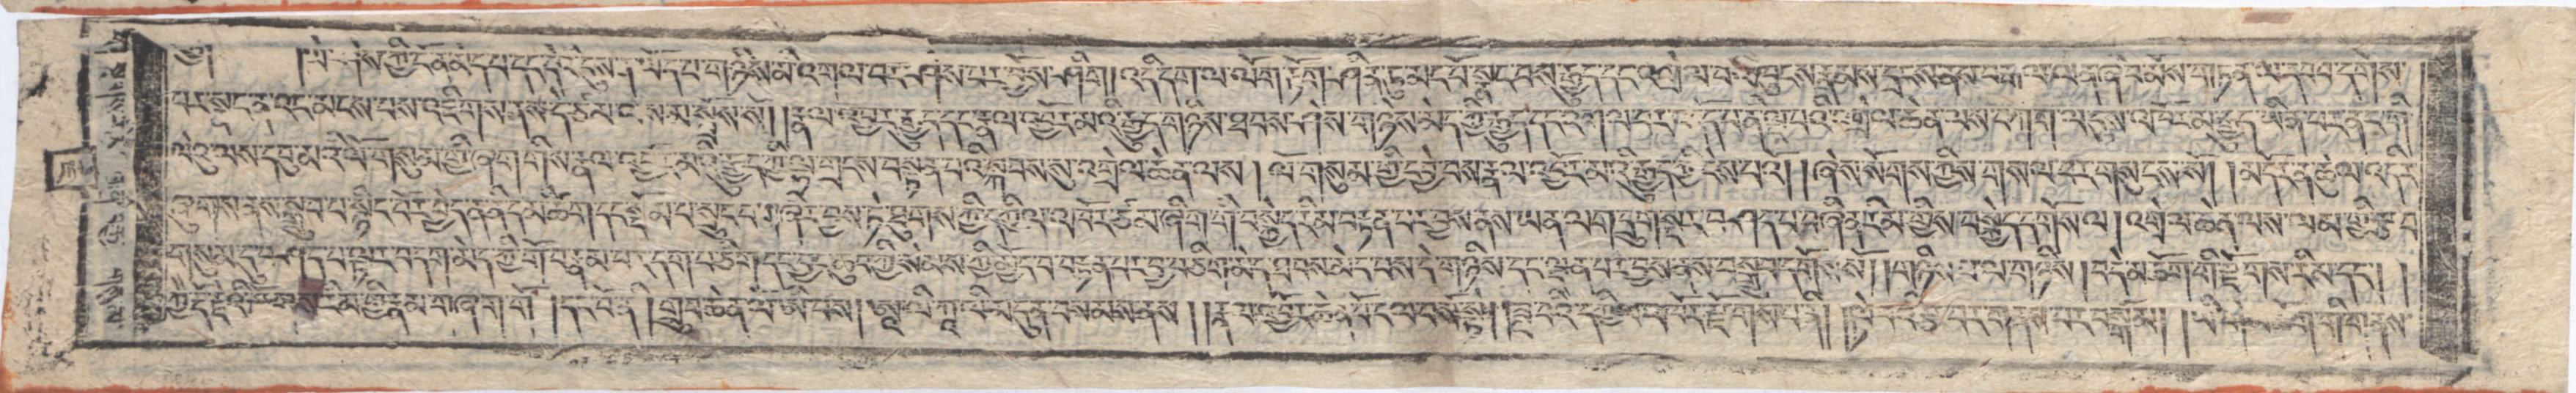༄༅། །ཡེ་ཤེས་ཀྱི་ངོན་མེད་པ་དང་དེའི་དུས་ན་ཡོད་པ་གཉིས་མི་འགལ་བར་ཤེས་པར་བྱོས་ཤིག །འདི་དག་ལ་ལོག་རྟོག་ཤིན་ཏུ་མང་པོ་སྣང་བས་རྒྱུད་དང་འགྲེལ་བའི་ཁུངས་རྣམས་དྲངས་ནས་བརྒལ་ལན་ཞིབ་མོས་གཏན་ལ་དབབ་དགོས་
པར་སྣང་ནའང་མངས་པས་འཇིགས་ནས་དེ་ཙམ་ལས་མ་སྤྲོས་སོ། །རྣལ་འབྱོར་རྒྱུད་དང་རྣལ་འབྱོར་མའི་རྒྱུད་གཉིས་ཐབས་ཤེས་གཉིས་མེད་ཀྱི་རྒྱུད་དང་འགལ་བར་འདོད་པ་ནི་ལྔ་པའི་འགྲེལ་ཆེན་ལས་བཀག་ལ་དུས་འཁོར་མ་རྒྱུད་ཡིན་པར་ནང་གི་
ལེའུ་ལས་དབུ་མའི་ལོ་གསུམ་གྱི་ཞག་གིས་རྣལ་འབྱོར་མའི་རྒྱུད་ཀྱི་ལྷ་གྲངས་བསྟན་པའི་སྐབས་སུ་འགྲེལ་ཆེན་ལས། ལོ་གསུམ་གྱི་དབྱེ་བས་རྣལ་འབྱོར་མའི་རྒྱུད་ཀྱི་ངེས་པའོ། །ཞེས་སོགས་ཀྱིས་གསལ་བར་གསུངས་སོ། །མདོར་ན་ཚུལ་འདིར་
ཞུགས་ནས་སྒྲུབ་པ་སྙིང་པོར་བྱེད་ན་ནི་དམ་ཚིག་དང་སྡོམ་པ་སྲུང་བ་གཞིར་བྱས་ཏེ་ཐུགས་ཀྱི་དཀྱིལ་འཁོར་ཙམ་ཞིག་གི་བསྐྱེད་རིམ་བརྟན་པར་བྱས་ནས་ཡན་ལག་དྲུག་སྔར་བཤད་པ་བཞིན་རིམ་གྱིས་བསྐྱེད་དགོས་ལ། འགྲེལ་ཆེན་ལས་ལམ་གྱི་རྩ་བ་
གསུམ་དུ་བཤད་པ་ལྟར་བདག་མེད་ཀྱི་གོ་བ་རྣམ་པར་དག་པ་ཅིག་དང་བྱང་ཆུབ་ཀྱི་སེམས་ཀྱི་མྱོང་བ་བརྟན་པར་བྱ་བ་ཅིག་མེད་ཐབས་མེད་པས་དེ་གཉིས་དང་ལྡན་པར་བྱས་ནས་བསྒྲུབ་དགོས་སོ། །གཉིས་པ་ལ་གཉིས། བདེ་མཆོག་གི་རྫོགས་རིམ་དང་། །
ཀྱཻ་རྡོ་རྗེའི་རྫོགས་རིམ་གྱི་རྣམ་གཞག་གོ །དང་པོ་ནི། གྲུབ་ཆེན་ལོ་ཨི་པས། ཨཱ་ལི་ཀཱ་ལི་མདུན་བསམས་ནས། །རྣལ་འབྱོར་ཆེན་པོ་ངལ་བསོ་སྟེ། །ཟླ་བའི་དཀྱིལ་འཁོར་རྫོགས་པ་ནི། །ལྟེ་བའི་རྩ་བར་གནས་པར་བསྒོམ། །ཡི་གེ་མཆོག་གི་གནས་